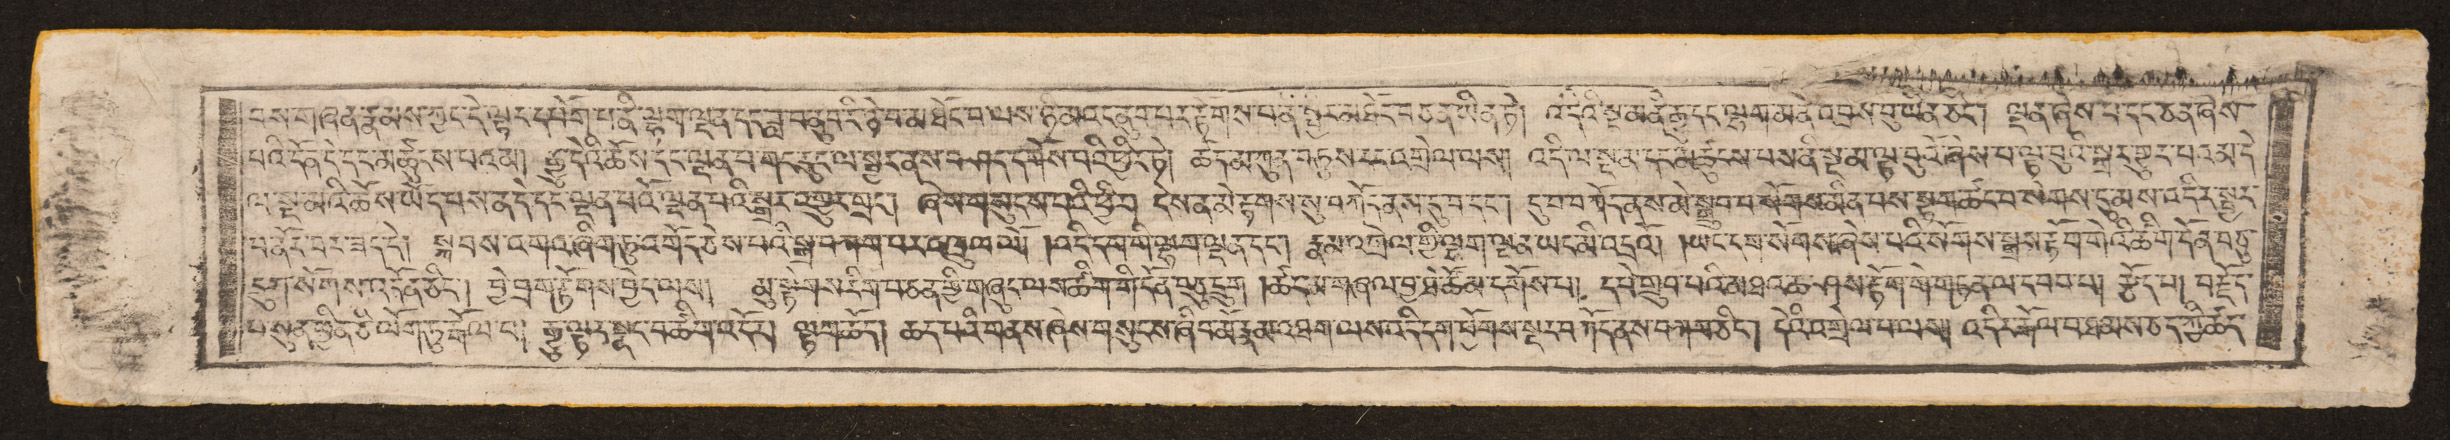བས་གཞན་རྣམས་ཀྱང་དེ་ལྟར་དཔོག་པ་ནི་ལྷག་ལྡན་དང་ཟླ་བ་ནུབ་རི་ཉེ་བ་མཐོང་བ་ལས་ཉི་མའང་ནུབ་པར་རྟོགས་པ་ནི་སྤྱིར་མཐོང་བ་ཅན་ཡིན་ཏེ། འདིའི་སྔ་མ་ནི་རྒྱུ་དང་ལྷག་མ་ནི་འབྲས་བུ་ཡིན་ཅིང་། །ལྡན་ཞེས་པ་དང་ཅན་ཞེས་
པའི་དོན་དེ་དང་མཚུངས་པའམ། །རྒྱུ་དེའི་ཆོས་དང་ལྡན་པ་གང་རུང་ལ་སྦྱར་ནས་བཤད་དགོས་པའི་ཕྱིར་ཏེ། །ཚད་མ་ཀུན་བཏུས་རང་འགྲེལ་ལས། །འདི་ལ་སྔ་མ་དང་མཚུངས་པས་ནི་སྔ་མ་ལྟ་བུ་འོ་ཞེས་པ་ལྟ་བུའི་སྒྲར་གྱུར་པའམ་མང་
ལ་སྔ་མའི་ཆོས་ཡོད་པས་ན་དེ་དང་ལྡན་པའོ་ལྡན་པའི་སྒྲར་འགྱུར་གྲང་། །ཞེས་གསུངས་པའི་ཕྱིར། དེས་ན་མེ་རྟགས་སུ་བཀོད་ནས་དུ་བ་དང་། དུ་བ་བཀོད་ནས་མེ་སྒྲུབ་པ་སོགས་མིན་པས་སྟག་ཚང་བ་སོགས་དུ་མས་འདིར་སྦྱར་
པ་ནོར་བར་ཟད་དེ། །སྐབས་འགའ་ཞིག་ཏུ་འགོད་ཅེས་པའི་སྒྲ་བཀག་པར་འགྲུལ་ལོ། །འདི་དག་གི་ལྷག་ལྡན་དང་། །རྣམ་འགྲོལ་གྱི་ལྷག་ལྡན་ཡང་མི་འདྲའོ། །ཡང་དག་སོགས་ཞེས་པའི་སོགས་སྒྲས་རྟོག་གེའི་ཚིག་དོན་བཅུ་
དྲུག་སོགས་འདོན་ཅིང་། །བྱེ་བྲག་རྟོགས་བྱེད་ལས། །མུ་སྟེགས་རིག་བ་ཅན་གྱི་གཞུང་ལས་ཆིག་གི་དོན་བཅུ་དྲུག །ཚད་མ་གཞལ་བྱ་ཐེ་ཚོམ་དགོས་པ། །དཔེ་གྲུབ་པའི་མཐའ་ཆ་ཤས་རྟོག་གེ་ག་རྟན་ལ་དབབ་པ། །རྩོད་པ། །བརྗོད་
པ་མུན་ཕྱིན་ཅི་ལོག་ཏུ་རྒོལ་བ། །རྒྱུ་ལྟར་སྣང་བ་ཚིག་འདོར། །ལྟག་ཆོད། །ཆད་པའི་གནས་ཞེས་གསུངས་ཞིབ་མོ་རྣམ་འཐག་ལས་འདི་དག་ཕྱོགས་སྔར་བཀོད་ནས་བཀག་ཅིང་། དེའི་འགྲེལ་བ་ལས། འདིར་རྒོལ་བ་ཐམས་ཅད་ཀྱི་ཚད་